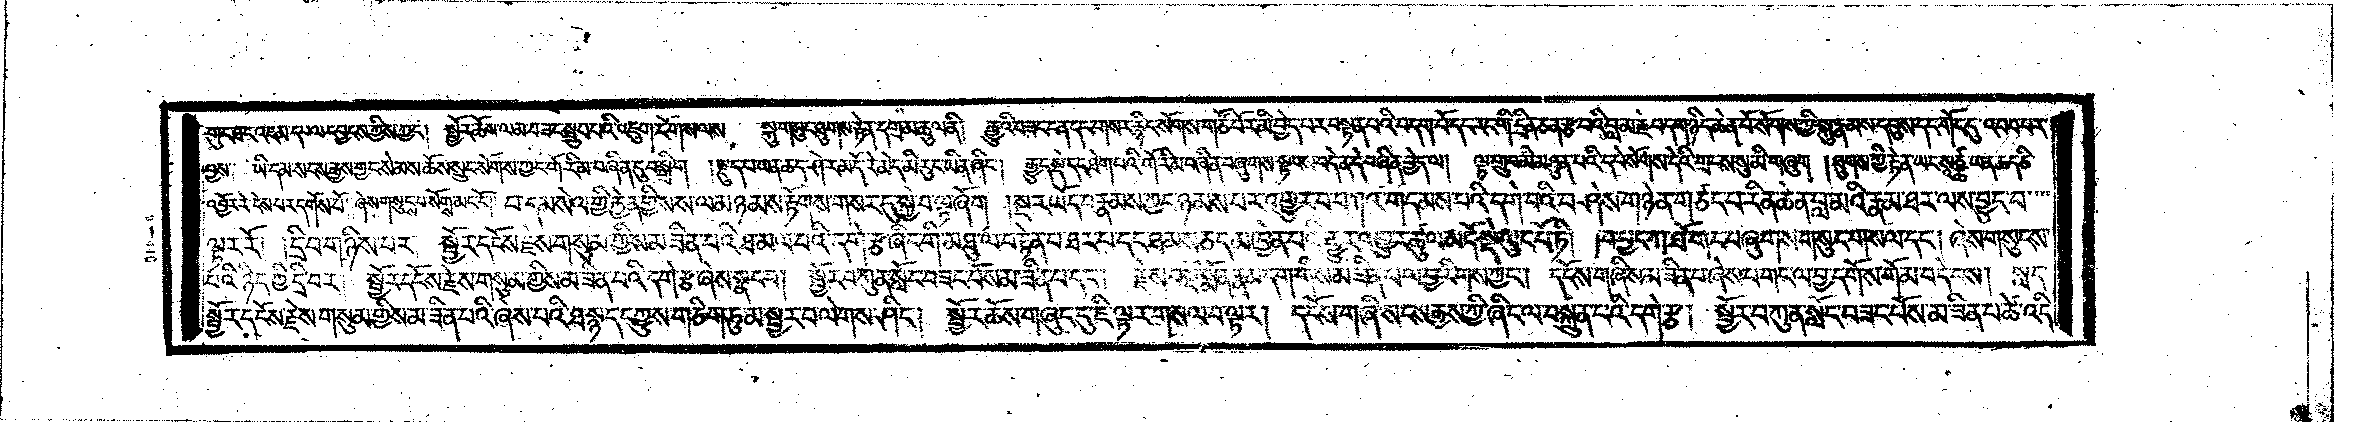གུང་ཐང་འཇམ་དཔལ་དབྱངས་ཀྱིས་ཀྱང་། སྤྱོར་ཆོས་ལམ་བཟང་སྒྲུབ་པའི་འཇུག་ངོགས་ལས། སྐུ་གསུང་ཐུགས་རྟེན་དགྲམ་ཆུ་ལ་ནི། རྒྱུའི་བཟང་ངན་དང་གསར་རྙིང་སོགས་གཙོ་བོར་མི་བྱེད་པར་བསྟན་པའི་བདག་པོ་དང་རང་གི་དྲིན་ཅན་རྩ་བའི་བླ་མ་རྗེ་བདག་ཉིད་ཆེན་པོ་སོགས་ཀྱི་སྐུ་རྣམས་དབུས་དང་གོང་དུ་འབབ་པར་
བྱས་ཡི་དམ་སངས་རྒྱས་བྱང་སེམས་ཆོས་སྲུང་སོགས་ཀྱང་གོ་རིམ་བཞིན་དུ་བསྒྲིག །སྡུད་པ་ཡན་ཆད་ཤེར་མདོ་རེ་མེད་མི་རུང་ཡིན་ཞིང་། རྒྱུད་སྡེ་དང་ཐེག་པའི་གོ་རིམ་བཞིན་བཞུགས་སྟབས་བདེན་དེ་བཞིན་བྱེད་ལ། ལྟ་གྲུབ་མི་མཐུན་པའི་དཔེ་སོགས་དེའི་གངས་སུ་མི་གཞུག །ཐུགས་ཀྱི་རྟེན་ཡང་སཱཙྪ་ཡན་ཆད་ཅི་
འབྱོར་རེ་ངེས་པར་དགོས་སོ། ཞེས་གསུངས་པ་སོགས་མ་དོང་། །བ་དམ་སེལ་གྱི་ཆེན་གྱི་ལས་ལམ་ཉམས་རྟོགས་གསར་དུ་སྐྱེ་བ་ལྟ་ཞོག ། །སྔར་ཡོད་པ་རྣམས་ཀྱང་ཉམས་པར་འགྱུར་བ་བཀའ་གདམས་པའི་དགེ་པའི་བཤེས་གཉེན་གཙང་བ་རིན་ཆེན་བླ་མའི་རྣམ་ཐར་ལས་བྱུང་པ་
ལྟར་རོ། །དྲི་བ་གཉིས་པར། སྦྱོར་དངོས་རྗེས་གསུམ་གྱིས་མ་ཟིན་པའི་ཐ་མལ་པའི་དགེ་རྩ་ཞིང་གི་མཐུ་ལ་བརྟེན་པ་ཐར་པ་དང་ཐམས་ཅད་མཁྱེན་པའི་རྒྱུར་འགྱུར་ཚུལ་མདོ་སྡེ་ལུང་པོ་ཏི། ཁ་བྱང་ཀ་ཐོ་གང་བཞུགས་གསུང་གསལ་དང་། ཞེས་གསུངས་
པའི་ཉིད་ཀྱི་དྲི་བར། སྦྱོར་དངོས་རྗེས་གསུམ་གྱིས་མ་ཟིན་པའི་དགེ་རྩ་ཞེས་སྣང་བ། སྦྱོར་བ་ཀུན་སླང་བཟང་བོ་སམ་ཟིན་པ་དང་། རྗེས་བསྡོ་སྨོན་རྣམ་དག་གིས་མ་ཟིན་པ་ལ་བྱ་རིགས་ཀྱང་། དངོས་གཞིས་མ་ཟིན་པ་ཞེས་པ་གང་ལ་བྱ་དགོས་གོམ་བདེབས། སླད་
སྦྱོར་དངོས་རྗེས་གསུམ་གྱིས་མ་ཟིན་པའི་ཞེས་པའི་ཐ་སྙད་དཀྱུས་གཅིག་ཏུ་མ་སྦྱར་བ་ལེགས་ཤིང་། སྦྱོར་ཆོས་གཞུང་དུ་ཇི་ལྟར་གསལ་བ་ལྟར། དངོས་གཞི་སངས་རྒྱས་ཀྱི་ཞིང་ལ་བསྐྲུན་པའི་དགེ་རྩ། སྦྱོར་བ་ཀུན་སློང་བཟང་པོས་མ་ཟིན་པ་ཚེ་འདི་